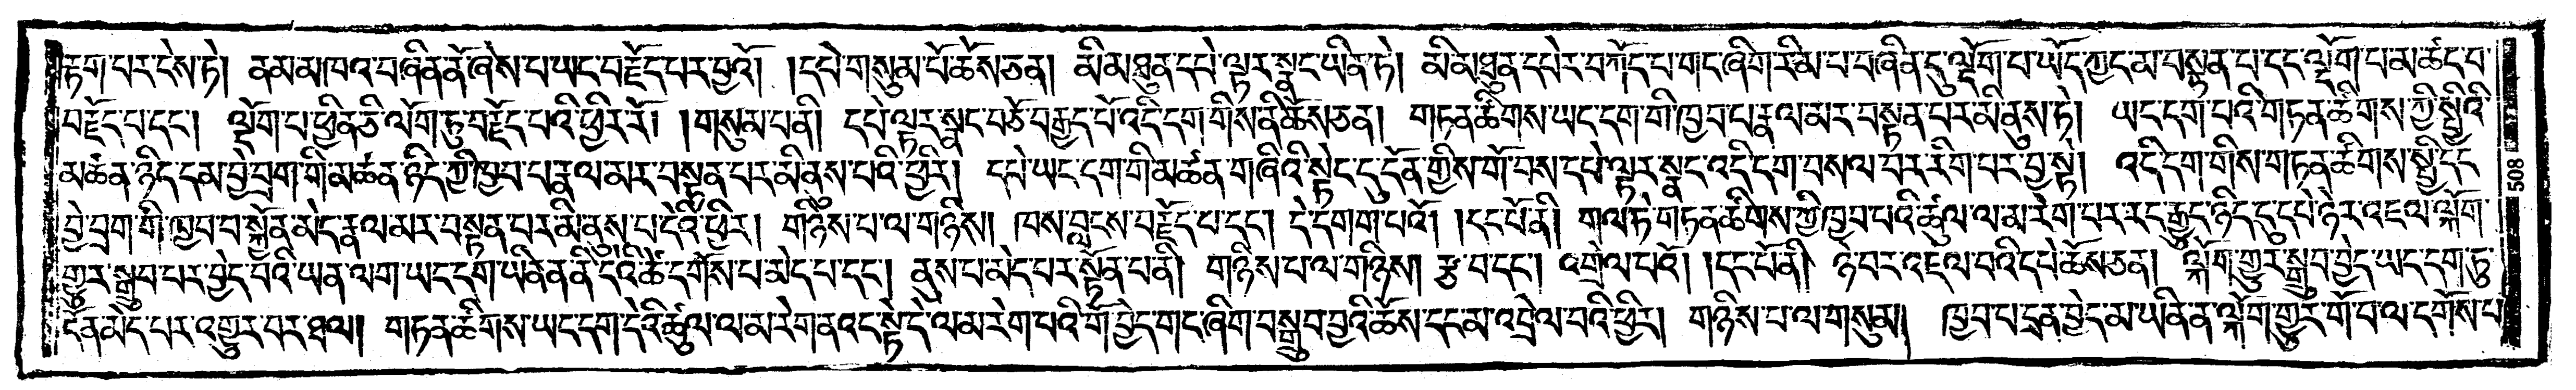རྟག་པར་ངེས་ཏེ། ནམ་མཁའ་བཞིན་ནོ་ཞེས་པ་ཡང་བརྗོད་པར་བྱའོ། །དཔེ་གསུམ་པོ་ཆོས་ཅན། མི་མཐུན་དཔེ་ལྟར་སྣང་ཡིན་ཏེ། མི་མཐུན་དཔེར་བཀོད་པ་གང་ཞིག་རིམ་པ་བཞིན་དུ་ལྡོག་པ་ཡོད་ཀྱང་མ་བསྟན་པ་དང་ལྡོག་པ་མ་ཚང་བ་
བརྗོད་པ་དང་། ལྡོག་པ་ཕྱིན་ཅི་ལོག་ཏུ་བརྗོད་པའི་ཕྱིར་རོ། །གསུམ་པ་ནི། དཔེ་ལྟར་སྣང་བཅོ་བརྒྱད་པོ་འདི་དག་གིས་ནི་ཆོས་ཅན། གཏན་ཚིགས་ཡང་དག་གི་ཁྱབ་པ་རྣལ་མར་བསྟན་པར་མི་ནུས་ཏེ། ཡང་དག་པའི་གཏན་ཚིགས་ཀྱི་སྤྱིའི་
མཚན་ཉིད་དམ་བྱེ་བྲག་གི་མཚན་ཉིད་ཀྱི་ཁྱབ་པ་རྣལ་མར་བསྟན་པར་མི་ནུས་པའི་ཕྱིར། དཔེ་ཡང་དག་གི་མཚན་གཞིའི་སྟེང་དུ་དོན་གྱིས་གོ་བས་དཔེ་ལྟར་སྣང་འདི་དག་བསལ་བར་རིག་པར་བྱ་སྟེ། འདི་དག་གིས་གཏན་ཚིགས་སྤྱི་དང་
བྱེ་བྲག་གི་ཁྱབ་པ་སྐྱོན་མེད་རྣལ་མར་བསྟན་པར་མི་ནུས་པ་དེའི་ཕྱིར། གཉིས་པ་ལ་གཉིས། ཁས་བླངས་བརྗོད་པ་དང་། དེ་དགག་པའོ། །དང་པོ་ནི། གལ་ཏེ་གཏན་ཚིགས་ཀྱི་ཁྱབ་པའི་ཚུལ་ལ་མ་རེག་པར་རང་རྒྱུད་ཉིད་དུ་དཔེ་ཉེར་འཇལ་ལྐོག་
གྱུར་སྒྲུབ་པར་བྱེད་པའི་ཡན་ལག་ཡང་དག་ཡིན་ན་ནི་དེའི་ཚེ་དགོས་པ་མེད་པ་དང་། ནུས་པ་མེད་པར་སྟོན་པ་ནི། གཉིས་པ་ལ་གཉིས། རྩ་བ་དང་། འགྲེལ་པའོ། །དང་པོ་ནི། ཉེ་བར་འཇལ་བའི་དཔེ་ཆོས་ཅན། ལྐོག་གྱུར་སྒྲུབ་བྱེད་ཡང་དག་ཏུ་
དོན་མེད་པར་འགྱུར་བར་ཐལ། གཏན་ཚིགས་ཡང་དག་དེའི་ཚུལ་ལ་མ་རེག་ནའང་སྟེ་དེ་ལ་མ་རེག་པའི་གོ་བྱེད་གང་ཞིག་བསྒྲུབ་བྱའི་ཆོས་དང་མ་འབྲེལ་བའི་ཕྱིར། གཉིས་པ་ལ་གསུམ། ཁྱབ་པ་དྲན་བྱེད་མ་ཡིན་ན་ལྐོག་གྱུར་གོ་བ་ལ་དགོས་པ་